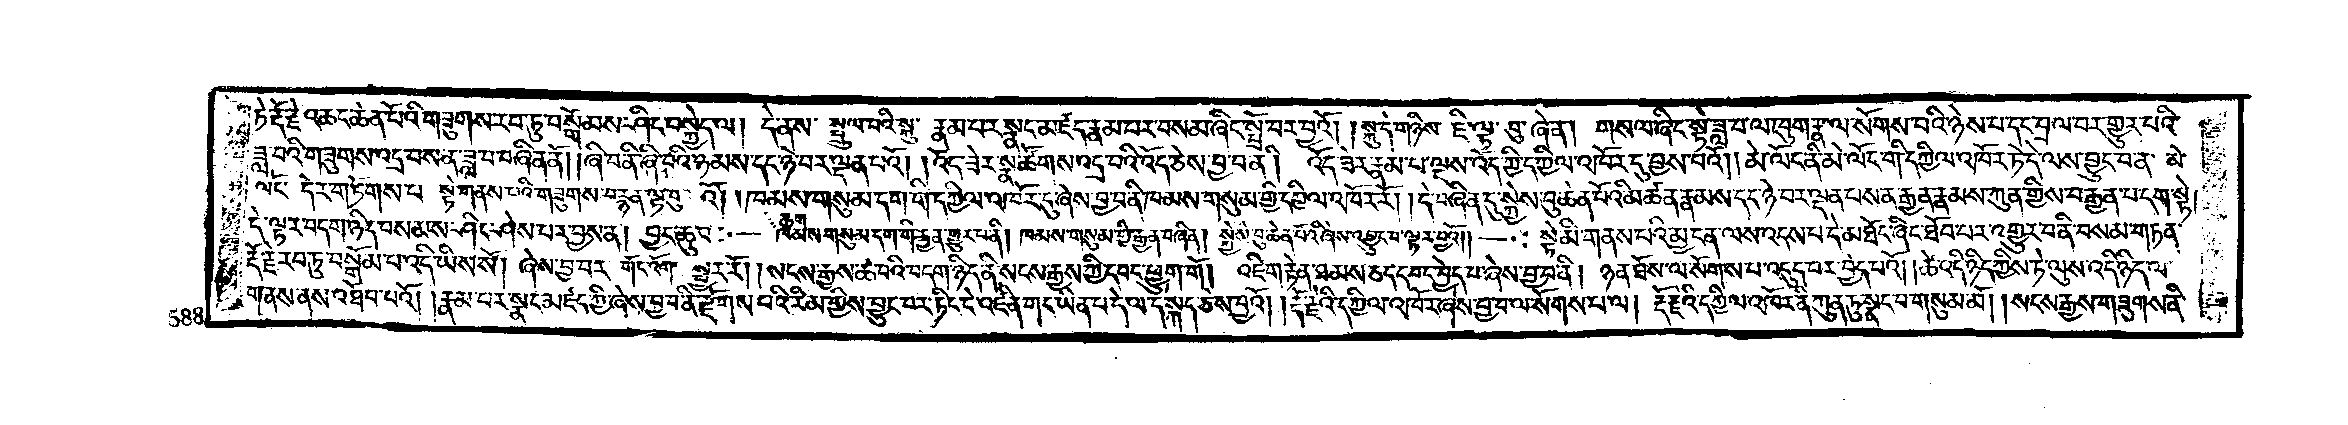ཏེ་རྡོ་རྗེ་འཆང་ཆེན་པོའི་གཟུགས་རབ་ཏུ་བསྒོམས་ཤིང་བསྐྱེད་ལ། དེ་ནས་སྤྲུལ་པའི་སྐུ་རྣམ་པར་སྣང་མཛད་རྣམ་པར་བསམ་ཞིང་སྤྲོ་བར་བྱའོ། ། སྐུ་དེ་གཉིས་ཇི་ལྟ་བུ་ཞེ་ན། གསལ་ཞིང་སྟེ་ཟླ་བ་ལ་ཁུག་རྣ་ལ་སོགས་པའི་ཉེས་པ་དང་བྲལ་བར་གྱུར་པའི་
ཟླ་བའི་གཟུགས་འདྲ་བས་ན་ཟླ་བ་བཞིན་ནོ། །ཞི་བ་ནི་ཞི་བའི་ཉམས་དང་ཉེ་བར་ལྡན་པའོ། །འོད་ཟེར་སྣ་ཚོགས་འདྲ་བའི་འོད་ཅེས་བྱ་བ་ནི། འོད་ཟེར་རྣམ་པ་ལྔས་འོད་ཀྱི་དཀྱིལ་འཁོར་དུ་བྱས་པའོ། །མེ་ལོང་ནི་མེ་ལོང་གི་དཀྱིལ་འཁོར་ཏེ་དེ་ལས་བྱུང་བ་ནི་མེ་
ལོང་དར་གཏོགས་པ་སྟེ་གནས་པའི་གཟུགས་བརྙན་ལྟ་བུའོ། །ཁམས་གསུམ་དག་གི་དཀྱིལ་འཁོར་དུ་ཞེས་བྱ་བ་ནི་ཁམས་གསུམ་གྱི་དཀྱིལ་འཁོར་རོ། །དེ་བཞིན་དུ་སྐྱེས་བུ་ཆེན་པོའི་མཚན་རྣམས་དང་ཉེ་བར་ལྡན་པས་ན་རྒྱན་རྣམས་ཀུན་གྱིས་བརྒྱན་པ་དག་སྟེ།
དེ་ལྟར་བདག་ཉིད་བསམས་ཤིང་ཤེས་པར་བྱས་ན། བྱང་ཆུབཿ་ཆག་ཁམས་གསུམ་དག་གི་རྒྱན་གྱུར་པ་ནི། ཁམས་གསུམ་གྱི་རྒྱན་བཞིན། སྐྱེས་བུ་ཆེན་པོའི་ཞེས་འབྱུང་བ་ལྟར་བྱའོ།།  .H སྟེ་མི་གནས་པའི་མྱ་ངན་ལས་འདས་པ་དེ་མཐོང་ཞིང་ཐོབ་པར་འགྱུར་བ་ནི་བསམ་གཏན་
རྡོ་རྗེ་རབ་ཏུ་བསྒོམ་པ་འདི་ཡིས་སོ། ཞེས་བྱ་བར་གོང་འོག་སྦྱར་རོ། །སངས་རྒྱས་ཆེ་བའི་བདག་ཉིད་ནི་སངས་རྒྱས་ཀྱི་དབང་ཕྱུག་གི། འཇིག་རྟེན་ཐམས་ཅད་དབང་བྱེད་པ་ཞེས་བྱ་བ་ནི། ཉན་ཐོས་ལ་སོགས་པ་འདུད་པར་བྱེད་པའོ། །ཚེ་འདི་ཉིད་ཀྱིས་ཏེ་ལུས་འདི་ཉིད་ལ་
གནས་ནས་འཐོབ་པའོ། །རྣམ་པར་སྣང་མཛད་ཀྱི་ཞེས་བྱ་བ་ནི་རྫོགས་པའི་རིམ་གྱིས་བྱུང་བའི་ཏིང་ངེ་འཛིན་གང་ཡིན་པ་དེ་ལ་དེ་སྐད་ཅེས་བྱའོ། །རྡོ་རྗེའི་དཀྱིལ་འཁོར་ཞེས་བྱ་བ་ལ་སོགས་པ་ལ། རྡོ་རྗེའི་དཀྱིལ་འཁོར་ནི་ཀུན་ཏུ་སྣང་བ་གསུམ་མོ། །སངས་རྒྱས་གཟུགས་ནི་